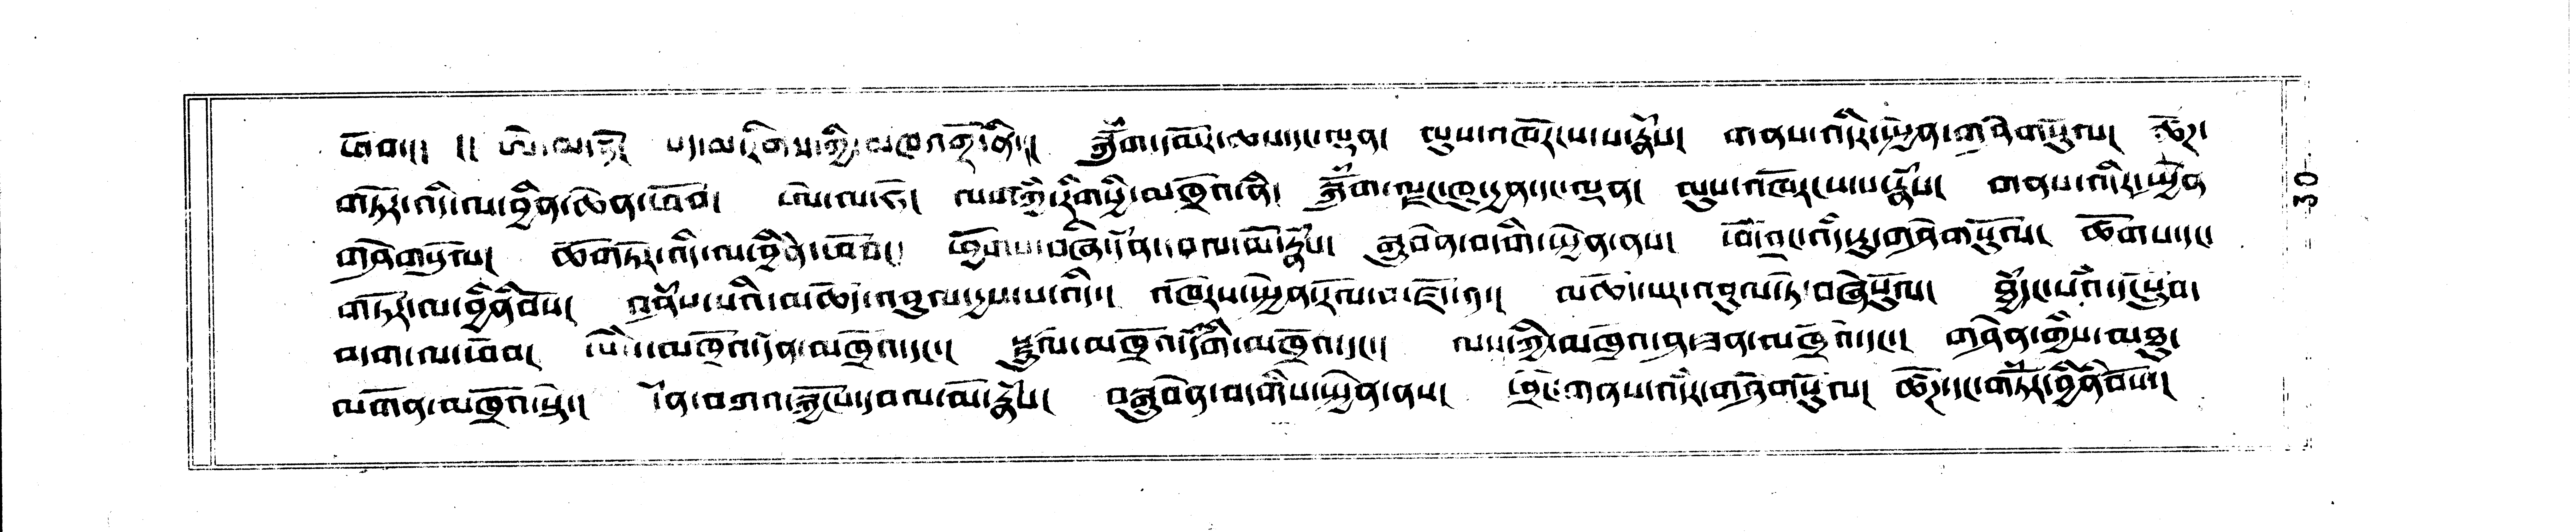ཕོབ།།།།ཨེ་མ་ཧོ། པད་མ་རིགས་ཀྱི་མཁའ་འགྲོ་ནི། སྐུ་མདོག་དམར་པོ་ཆས་དང་ལྡན། མ་ལུས་འཁོར་དང་བཅས་པ་རྣམས། གནས་འདིར་སྤྱན་འདྲེན་གཤེགས་སུ་གསོལ། ཚོགས་
གཏོར་འདི་ལ་བྱིན་ཆེན་ཕོབ། ཨེ་མ་ཧོ། ལས་ཀྱི་རིགས་ཀྱི་མཁའ་འགྲོ་ནི། སྐུ་མདོག་ལྗང་ཁུ་རྒྱན་དང་ལྡན། མ་ལུས་འཁོར་དང་བཅས་པ་རྣམས། གནས་འདིར་སྤྱན་འདྲེན་
གཤེགས་སུ་གསོལ། ཚོགས་གཏོར་འདི་ལ་བྱིན་ཆེན་ཕོབ། ཕྱོགས་བཞི་དམ་ཅན་དབལ་མོ་རྣམས། སྒྲུབ་ཆེན་བདག་གིས་སྤྱན་འདྲེན་ནས། ཕོ་བྲང་འདི་རུ་གཤེགས་སུ་གསོལ། ཚོགས་དང་
གཏོར་མ་བྱིན་གྱིས་རློབས། བཤམས་པའི་མཆོད་འབུལ་རྒྱས་པ་འདི། འཁོར་བཅས་སྤྱན་འདྲེན་རོལ་མཛོད་ཅིག མཆོད་པར་འབུལ་ཏེ་བཞེས་སུ་གསོལ། ཐུགས་དམ་བསྐང་པའི་དངོས་གྲུབ་
བདག་ལ་ཕོབ། ཡེ་ཤེས་མཁའ་འགྲོ་དམ་ཅན་མཁའ་འགྲོ་དང་། རྫུ་འཕྲུལ་མཁའ་འགྲོ་དམ་ཚིག་མཁའ་འགྲོ་དང་། ལས་ཀྱི་མཁའ་འགྲོ་ཤ་ཟན་མཁའ་འགྲོ་དང་། གཤེན་གྱིས་མཐུ་
མགོན་མཁའ་འགྲོ་སྟེ། དམ་ཅན་བཀའ་སྐྱོངས་དབལ་མོ་རྣམས། སྒྲུབ་ཆེན་བདག་གིས་སྤྱན་འདྲེན་རོལ་མཛོད་ཅིག ཕོ་བྲང་གནས་འདིར་གཤེགས་སུ་གསོལ། ཚོགས་དང་གཏོར་མ་བྱིན་གྱིས་རློབས།